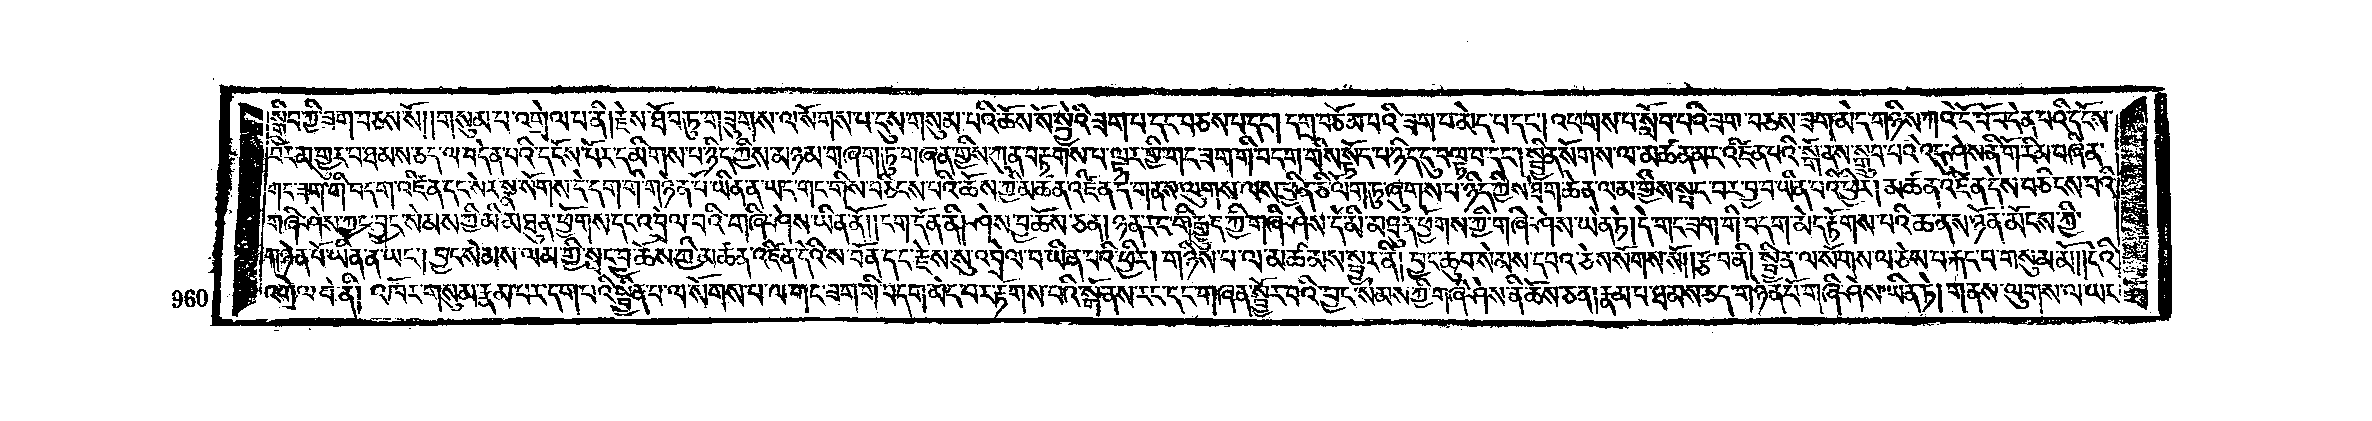སྒྲིབ་ཀྱི་ཟག་བཅས་སོ། །གསུམ་པ་འགྲེལ་བ་ནི། རྗེས་ཐོབ་ཏུ་གཟུགས་ལ་སོགས་པ་དུས་གསུམ་པའི་ཆོས་སོ་སྐྱེའི་ཟག་པ་དང་བཅས་པ་དང་། དགྲ་བཅོམ་པའི་ཟག་པ་མེད་པ་དང་། འཕགས་པ་སློབ་པའི་ཟག་བཅས་ཟག་མེད་གཉིས་ཀའི་ངོ་བོ་བདེན་པའི་དངོས་
པོར་མ་གྱུར་བ་ཐམས་ཅད་ལ་བདེན་པའི་དངོས་པོར་དམིགས་པ་ཉིད་ཀྱིས་མཉམ་གཞག་ཏུ་གཞན་གྱིས་ཀུན་བརྟགས་པ་ལྟར་གྱི་གང་ཟག་གི་བདག་གིས་སྟོང་པ་ཉིད་དུ་བལྟ་བ་དང་། སྦྱིན་སོགས་ལ་མཚན་མར་འཛིན་པའི་སྒོ་ནས་སྒྲུབ་པའི་འདུ་ཤེས་ནི་གོ་རིམ་བཞིན་
གང་ཟག་གི་བདག་འཛིན་དང་སེར་སྣ་སོགས་དེ་དག་གི་གཉེན་པོ་ཡིན་ན་ཡང་གང་གིས་བཅིངས་པའི་ཆོས་ཀྱི་མཚན་འཛིན་དེ་གནས་ལུགས་ལས་ཕྱིན་ཅི་ལོག་ཏུ་ཞུགས་པ་ཉིད་ཀྱིས་ཐེག་ཆེན་ལམ་གྱིས་སྤང་བྱ་བ་ཡིན་པའི་ཕྱིར། མཚན་འཛིན་དེས་བཅིངས་པའི་
གཞི་ཤེས་ཀྱང་བྱང་སེམས་ཀྱི་མི་མཐུན་ཕྱོགས་དང་འབྲེལ་བའི་གཞི་ཤེས་ཡིན་ནོ། །ངག་དོན་ནི། ཤེས་བྱ་ཆོས་ཅན། ཉན་རང་གི་རྒྱུད་ཀྱི་གཞི་ཤེས་དེ་མི་མཐུན་ཕྱོགས་ཀྱི་གཞི་ཤེས་ཡིན་ཏེ། དེ་གང་ཟག་གི་བདག་མེད་རྟོགས་པའི་ཆ་ནས་ཉོན་མོངས་ཀྱི་
གཉེན་པོ་ཡིན་ན་ཡང་། བྱང་སེམས་ལམ་གྱི་སྤང་བྱ་ཆོས་ཀྱི་མཚན་འཛིན་དེའི་ས་བོན་དང་རྗེས་སུ་འབྲེལ་བ་ཡིན་པའི་ཕྱིར། གཉིས་པ་ལ་མཚམས་སྦྱར་ནི། བྱང་ཆུབ་སེམས་དཔའ་ཅེས་སོགས་སོ། །རྩ་བ་ནི། སྦྱིན་ལ་སོགས་ལ་ཅེས་པ་རྐང་བ་གསུམ་མོ། །དེའི་
འགྲེལ་བ་ནི། འཁོར་གསུམ་རྣམ་པར་དག་པའི་སྦྱིན་པ་ལ་སོགས་པ་ལ་གང་ཟག་གི་བདག་མེད་པར་རྟོགས་པའི་སྒོ་ནས་རང་དང་གཞན་སྦྱོར་བའི་བྱང་སེམས་ཀྱི་གཞི་ཤེས་ནི་ཆོས་ཅན། རྣམ་པ་ཐམས་ཅད་གཉེན་པོ་གཞི་ཤེས་ཡིན་ཏེ། གནས་ལུགས་ལ་ཡང་